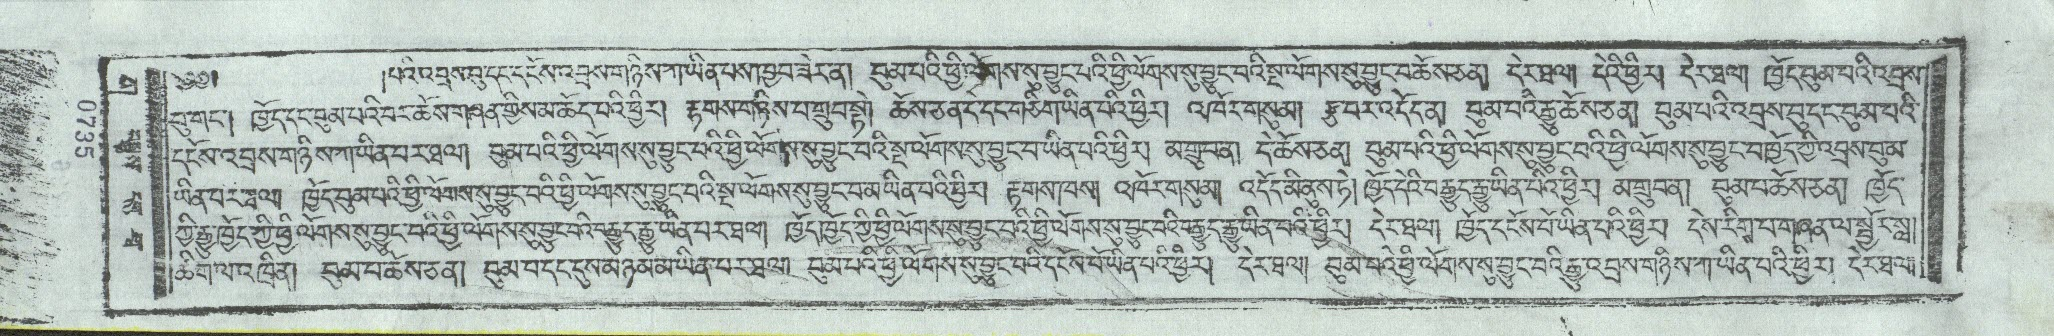༄༅། །པའི་འབྲས་བུ་དང་དངོས་འབྲས་གཉིས་ཀ་ཡིན་པས་ཁྱབ་ཟེར་ན། བུམ་བའི་ཕྱི་ལོགས་སུ་བྱུང་པའི་ཕྱི་ལོགས་སུ་བྱུང་བའི་སྔ་ལོགས་སུ་བྱུང་བ་ཆོས་ཅན། དེར་ཐལ། དེའི་ཕྱིར། དེར་ཐལ། ཁྱོད་བུམ་པའི་འབྲས་
བུ་གང་། ཁྱོད་དང་བུམ་པའི་བར་ཆོས་གཞན་གྱིས་མཆོད་པའི་ཕྱིར། རྟགས་གཉིས་པ་གྲུབ་སྟེ། ཆོས་ཅན་དེ་དང་གཅིག་ཡིན་པའི་ཕྱིར། འཁོར་གསུམ། རྩ་བར་འདོད་ན། བུམ་པའི་རྒྱུ་ཆོས་ཅན། བུམ་པའི་འབྲས་བུ་དང་བུམ་པའི་
དངོས་འབྲས་གཉིས་ཀ་ཡིན་པར་ཐལ། བུམ་པའི་ཕྱི་ལོགས་སུ་བྱུང་བའི་ཕྱི་ལོགས་སུ་བྱུང་བའི་སྔ་ལོགས་སུ་བྱུང་བ་ཡིན་པའི་ཕྱིར། མ་གྲུབ་ན། དེ་ཆོས་ཅན། བུམ་པའི་ཕྱི་ལོགས་སུ་བྱུང་བའི་ཕྱི་ལོགས་སུ་བྱུང་བ་ཁྱོད་ཀྱི་འབྲས་བུ་མ་
ཡིན་པར་ཐལ། ཁྱོད་བུམ་པའི་ཕྱི་ལོགས་སུ་བྱུང་བའི་ཕྱི་ལོགས་སུ་བྱུང་བའི་སྔ་ལོགས་སུ་བྱུང་བ་མ་ཡིན་པའི་ཕྱིར། རྟགས་ཁས། འཁོར་གསུམ། འདོད་མི་ནུས་ཏེ། ཁྱོད་དེའི་བརྒྱུད་རྒྱུ་ཡིན་པའི་ཕྱིར། མ་གྲུབ་ན། བུམ་པ་ཆོས་ཅན། ཁྱོད་
ཀྱི་རྒྱུ་ཁྱོད་ཀྱི་ཕྱི་ལོགས་སུ་བྱུང་བའི་ཕྱི་ལོགས་སུ་བྱུང་བའི་བརྒྱུད་རྒྱུ་ཡིན་པར་ཐལ། ཁྱོད་ཁྱོད་ཀྱི་ཕྱི་ལོགས་སུ་བྱུང་བའི་ཕྱི་ལོགས་སུ་བྱུང་བའི་བརྒྱུད་རྒྱུ་ཡིན་པའི་ཕྱིར། དེར་ཐལ། ཁྱོད་དངོས་པོ་ཡིན་པའི་ཕྱིར། དེས་རིགས་པ་གཞན་ལ་སྦྱོར་སླ།
ཚིག་ལ་འཁྲིན། བུམ་པ་ཆོས་ཅན། བུམ་པ་དང་དུས་མཉམ་མ་ཡིན་པར་ཐལ། བུམ་པའི་ཕྱི་ལོགས་སུ་བྱུང་བའི་དངོས་པོ་ཡིན་པའི་ཕྱིར། དེར་ཐལ། བུམ་པའི་ཕྱི་ལོགས་སུ་བྱུང་བའི་རྒྱུ་འབྲས་གཉིས་ཀ་ཡིན་པའི་ཕྱིར། དེར་ཐལ།